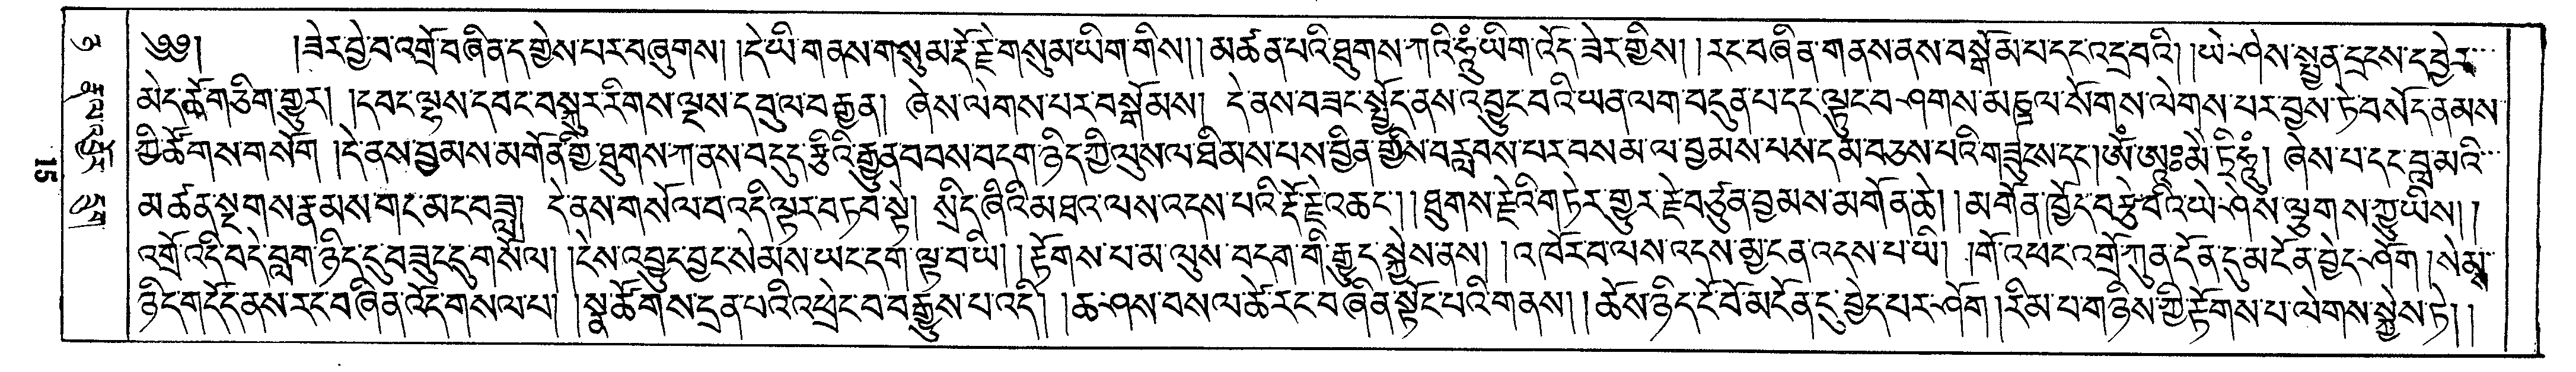༄༅། །ཟེར་བྱེ་བ་འཕྲོ་བཞིན་དགྱེས་པར་བཞུགས། །དེ་ཡི་གནས་གསུམ་རྡོ་རྗེ་གསུམ་ཡིག་གིས། །མཚན་པའི་ཐུགས་ཀའི་ཧཱུཾ་ཡིག་འོད་ཟེར་གྱིས། །རང་བཞིན་གནས་ནས་བསྒོམ་པ་དང་འདྲ་བའི། །ཡེ་ཤེས་སྤྱན་དྲངས་དབྱེར་
མེད་རོ་གཅིག་གྱུར། །དབང་ལྷས་དབང་བསྐུར་རིགས་ལྔས་དབུ་ལ་བརྒྱན། ཞེས་ལེགས་པར་བསྒོམས། དེ་ནས་བཟང་སྤྱོད་ནས་འབྱུང་བའི་ཡན་ལག་བདུན་པ་དང་ལྟུང་བཤགས་མཎྜལ་སོགས་ལེགས་པར་བྱས་ཏེ་བསོད་ནམས་
ཀྱི་ཚོགས་གསོག །དེ་ནས་བྱམས་མགོན་གྱི་ཐུགས་ཀ་ནས་བདུད་རྩིའི་རྒྱུན་བབས་བདག་ཉིད་ཀྱི་ལུས་ལ་ཐིམས་པས་བྱིན་གྱིས་བརླབས་པར་བསམ་ལ་བྱམས་པས་དམ་བཅས་པའི་གཟུངས་དང་། ཨོཾ་ཨཱཿམཻ་ཏྲི་ཧཱུཾ། ཞེས་པ་དང་བླ་མའི་
མཚན་སྔགས་རྣམས་གང་མང་བཟླ། དེ་ནས་གསོལ་བ་འདི་ལྟར་བཏབ་སྟེ། སྲིད་ཞིའི་མཐའ་ལས་འདས་པའི་རྡོ་རྗེ་འཆང་། །ཐུགས་རྗེའི་གཏེར་གྱུར་རྗེ་བཙུན་བྱམས་མགོན་ཆེ། །མགོན་ཁྱོད་བརྩེ་བའི་ཡེ་ཤེས་ལྕགས་ཀྱུ་ཡིས། །
འགྲོ་འདི་བདེ་བླག་ཉིད་དུ་བཟུང་དུ་གསོལ། །ངེས་འབྱུང་བྱང་སེམས་ཡང་དག་ལྟ་བ་ཡི། །རྟོགས་པ་མ་ལུས་བདག་གི་རྒྱུད་སྐྱེས་ནས། །འཁོར་བ་ལས་འདས་མྱ་ངན་འདས་པ་ཡི། །གོ་འཕང་འགྲོ་ཀུན་དོན་དུ་མངོན་བྱེད་ཤོག །སེམས་
ཉིད་གདོད་ནས་རང་བཞིན་འོད་གསལ་བ། །སྣ་ཚོགས་དྲན་པའི་འཕྲེང་བ་བརྒྱུས་པ་འདི། །ཆ་ཤས་བསལ་ཚེ་རང་བཞིན་སྟོང་པའི་གནས། །ཆོས་ཉིད་ངོ་བོ་མངོན་དུ་བྱེད་པར་ཤོག །རིམ་པ་གཉིས་ཀྱི་རྟོགས་པ་ལེགས་སྐྱེས་ཏེ།།